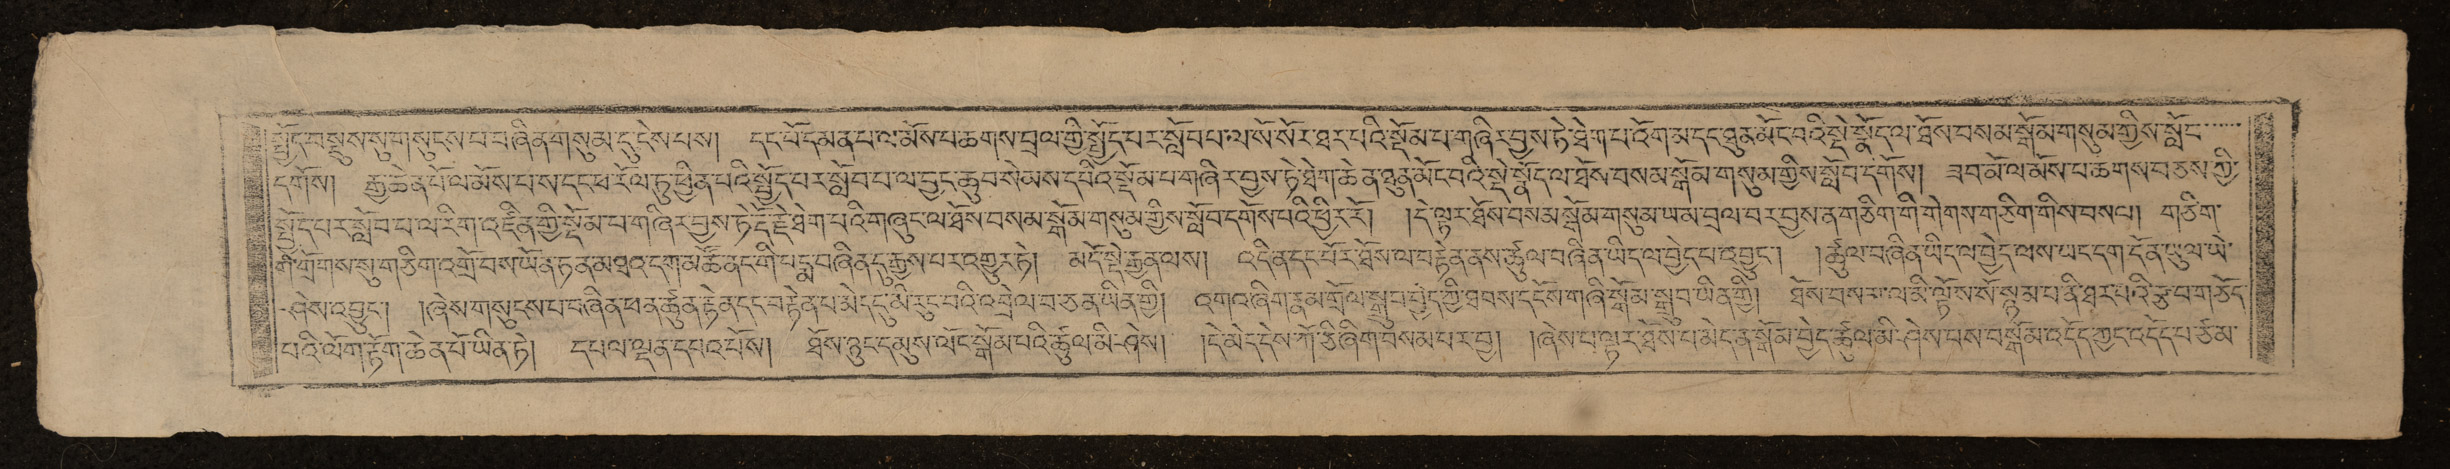སྤྱོད་བསྡུས་སུ་གསུངས་པ་བཞིན་གསུམ་དུ་དེས་པས། དང་པོ་དམན་པ་འཁོད་པ་ཆགས་བྲལ་གྱི་སྤྱོད་པར་སློབ་པ་ལ་སོ་སོར་ཐར་པའི་སྡོམ་པ་གཞིར་བྱས་ཏེ་ཐེག་པ་འོག་མ་དང་ཐུན་མོང་བའི་སྡེ་སྣོད་ལ་ཐོས་བསམ་སྒོམ་གསུམ་གྱིས་སློབ་
དགོས། རྒྱ་ཆེན་པོ་ལ་མོས་པས་དང་ཕ་རོལ་ཏུ་ཕྱིན་པའི་སྤྱོད་པར་སློབ་པ་ལ་བྱང་ཆུབ་སེམས་དཔའི་སྡོམ་པ་གཞིར་བྱས་ཏེ་ཐེག་ཆེན་ཐུན་མོང་བའི་སྡེ་སྣོད་ལ་ཐོས་བསམ་སྒོམ་གསུམ་གྱིས་སློབ་དགོས། ཟབ་མོ་ལ་མོས་པ་ཆགས་བཅས་ཀྱི་
སྤྱོད་པར་སློབ་པ་ལ་རིག་འཛིན་གྱི་སྡོམ་པ་གཞིར་བྱས་ཏེ་རྡོ་རྗེ་ཐེག་པའི་གཞུང་ལ་ཐོས་བསམ་སྒོམ་གསུམ་གྱིས་སློབ་དགོས་པའི་ཕྱིར་རོ། །དེ་ལྟར་ཐོས་བསམ་སྒོམ་གསུམ་ཡམ་བྲལ་བར་བྱས་ན་གཅིག་གི་གེགས་གཅིག་གིས་བསལ། གཅིག་
གི་གྲོགས་སུ་གཅིག་འགྲོ་བས་ཡོན་ཏན་མཐའ་དག་མཚོ་ནང་གི་པདམ་བཞིན་དུ་རྒྱས་བར་འགྱུར་ཏེ། མདོ་སྡེ་རྒྱན་ལས། འདི་ན་དང་པོར་ཐོས་ལ་བརྟན་ནས་ཚུལ་བཞིན་ཡིད་ལ་བྱེད་པ་འབྱུང་། །ཚུལ་བཞིན་ཡིད་ལ་བྱེད་ལས་ཡང་དག་དོན་ཡུལ་ཡི་
ཤེས་འབྱུང་། །ཞེས་གསུངས་བ་བཞིན་ཕན་ཚུན་རྟེན་དང་བརྟེན་པ་མེད་དུ་མི་རུང་བའི་འབྲེལ་པ་ཅན་ཡིན་གྱི། འགའ་ཞིག་རྣམ་གྲོལ་སྒྲུབ་བྱེད་ཀྱི་ཐབས་དངོས་གཞི་སྒོམ་སྒྲུབ་ཡིན་གྱི། ཐོས་བསམ་ལ་མི་ལྟོས་སོ་སྙམ་པ་ནི་ཐར་བའི་རྩ་བ་གཅོད་
པའི་ལོག་རྟོག་ཆེན་པོ་ཡིན་ཏེ། དཔལ་ལྡན་དཔའ་བོས། ཐོས་ཉུང་དམུས་ལོང་སྒོམ་པའི་ཚུལ་མི་ཤེས། །དེ་མེད་དེས་ཀོ་ཅི་ཞིག་བསམ་པར་བྱ། །ཞེས་པ་ལྟར་ཐོས་པ་མེད་ན་སྒོམ་བྱེད་ཚུལ་མི་ཤེས་པས་བསྒོམ་འདོད་ཀྱང་འདོད་པ་ཙམ་